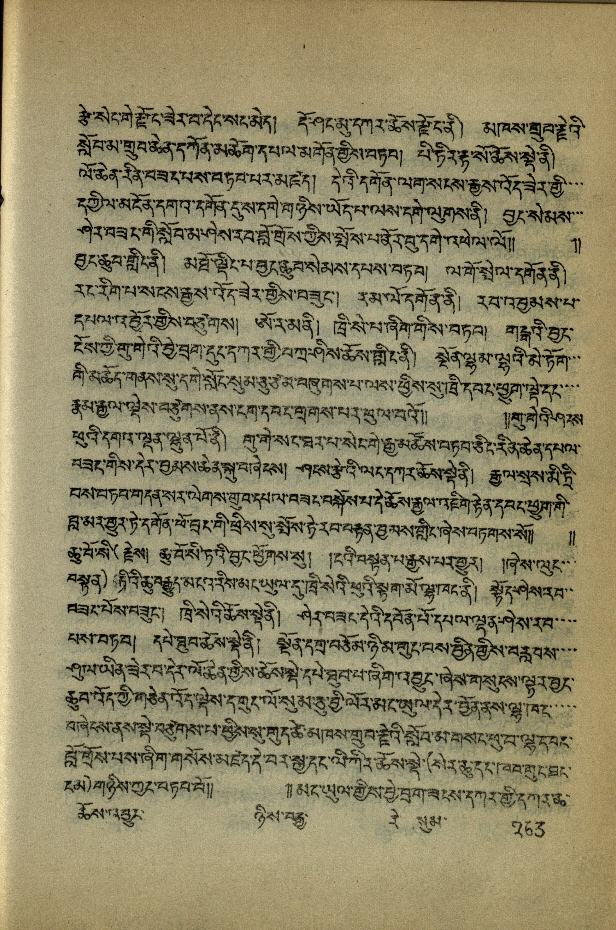རྩེ་སེང་གེ་རྫོང་ཟེར་བ་དེང་སང་མེད། དོ་ཤང་མུ་དཀར་ཆོས་རྫོང་ནི། མཁས་གྲུབ་རྗེའི་
སློབ་མ་གྲུབ་ཆེན་དཀོན་མཆོག་དཔལ་མགོན་གྱིས་བཏབ། པི་ཏིར་རྟ་སོ་ཆོས་སྡེ་ནི།
ལོ་ཆེན་རིན་བཟང་པས་བཏབ་པར་མཛད། དེའི་དགོན་ལག་སངས་རྒྱས་འོད་ཟེར་གྱི་
དཀྱིལ་མངོན་དགའ་དགོན་དུ་ས་དགེ་གཉིས་ཡོད་པ་ལས་དགེ་ལུགས་ནི། བྱང་སེམས་
ཤེར་བཟང་གི་སློབ་མ་ཤེས་རབ་བློ་གྲོས་ཀྱིས་སྤོས་པ་ནོར་བུ་དགེ་འཕེལ་ལོ།། །།
བྱང་ཆུབ་གླིང་ནི། མཐོ་ལྡིང་པ་བྱང་ཆུབ་སེམས་དཔས་བཏབ། ལ་གོ་སྤེལ་དགོན་ནི།
རང་རིག་པ་སངས་རྒྱས་འོད་ཟེར་གྱིས་བཟུང་། ར་མ་ལོ་དགོན་ནི། རབ་འབྱམས་པ་
དཔལ་འབྱོར་གྱིས་བཙུགས། ཨོ་ར་མ་ནི། ཁྲི་སེ་པ་ཞིག་གིས་བཏབ། གངྒའི་བྱང་
ངོས་ཀྱི་གུ་གེའི་བྱེ་བྲག་དུང་དཀར་གྱི་བཀྲ་ཤིས་ཆོས་གླིང་ནི། སྔོན་ལྷ་མ་ལྷའི་མེ་ཏོག་
གི་མཆོད་གནས་སུ་དགེ་སློང་སུམ་ཅུ་ཙམ་བཞུགས་པ་ལས་ཕྱིས་སུ་ཁྲི་དབང་ཕྱུག་ལྡེ་དང་
རྣམ་རྒྱལ་ལྡེས་བཙུགས་ནས་ངག་དབང་གྲགས་པར་ཕུལ་བའོ།། །།གུ་གེའི་ཤངས་
ཕུའི་དགའ་ལྡན་ལྷུན་པོ་ནི། གུ་གེ་སང་ཐར་པ་སེང་གེ་རྒྱ་མཚོས་བཏབ་ཅིང་རིན་ཆེན་དཔལ་
བཟང་གིས་དེར་བྱམས་ཆེན་སྐུ་བཞེངས། ཤངས་རྩེའི་ལང་དཀར་ཆོས་སྡེ་ནི། རྒྱལ་སྲས་མི་ཏྲི་
བས་བཏབ་གདན་སར་ལེགས་གྲུབ་དཔལ་བཟང་བསྐོས་པ་དེ་ཆོས་རྒྱལ་འཇིག་རྟེན་དབང་ཕྱུག་གི་
བླ་མར་གྱུར་ཏེ་དགོན་ཕོ་བྲང་གི་ཕྲིས་སུ་སྤོས་ཏེ་རབ་བརྟན་བྱམས་གླིང་ཞེས་བཏགས་སོ།། །།
ཆུ་བོ་སི་རྗེས། ཆུ་བོ་སི་ཏའི་བྱང་ཕྱོགས་སུ། །ངའི་བསྟན་པ་རྒྱས་པར་གྱུར། །ཞེས་ལུང་
བསྟན་ཏིའི་ཆུ་བརྒྱུད་མངའ་རིས་མང་ཡུལ་དུ་ཁྲི་སེའི་ཕུའི་སྟག་མོ་ལྷ་ཁང་ནི། སྟོད་ཤེས་རབ་
བཟང་པོས་བཟུང་། ཁྲི་སེའི་ཆོས་སྡེ་ནི། ཤེར་བཟང་དེའི་དབོན་པོ་དཔལ་ལྡན་ཤེས་རབ་
པས་བཏབ། དཔེ་ཐུབ་ཆོས་སྡེ་ནི། སྔོན་དགྲ་བཅོམ་ཉི་མ་གུང་བས་བྱིན་གྱིས་བརླབས་
ཤུལ་ཡིན་ཟེར་བ་དེར་ལོ་ཆེན་གྱིས་ཆོས་སྡོ་དཔེ་ཐུབ་པ་ཞིག་འབྱུང་ཞེས་གསུངས་ལྟར་བྱང་
ཆུབ་འོད་ཀྱི་གཅེན་འོད་ལྡེས་དགུང་ལོ་སུམ་ཅུ་བྱི་ལོར་མང་ཡུལ་དེར་བྱོན་ནས་ལྷ་ཁང་
བཞེངས་ནས་སྡེ་བཙུགས་པ་ཕྱིས་སུ་གུད་ཚེ་མཁས་གྲུབ་རྗེའི་སློབ་མ་གསང་ཕུ་བ་ལྷ་དབང་
བློ་གྲོས་པས་ཞིག་གསོས་མཛད་དེ་བར་སྐྱ་དང་ལི་ཀིར་ཆོས་སྡེ་སེར་ཆུ་དང་ཁབ་གུང་ཐང་
ངམ་གཉིས་ཀྱང་བཏབ་བོ།། །།མང་ཡུལ་གྱིས་བྱེ་བྲག་ཟངས་དཀར་གྱི་དཀར་ཆ་